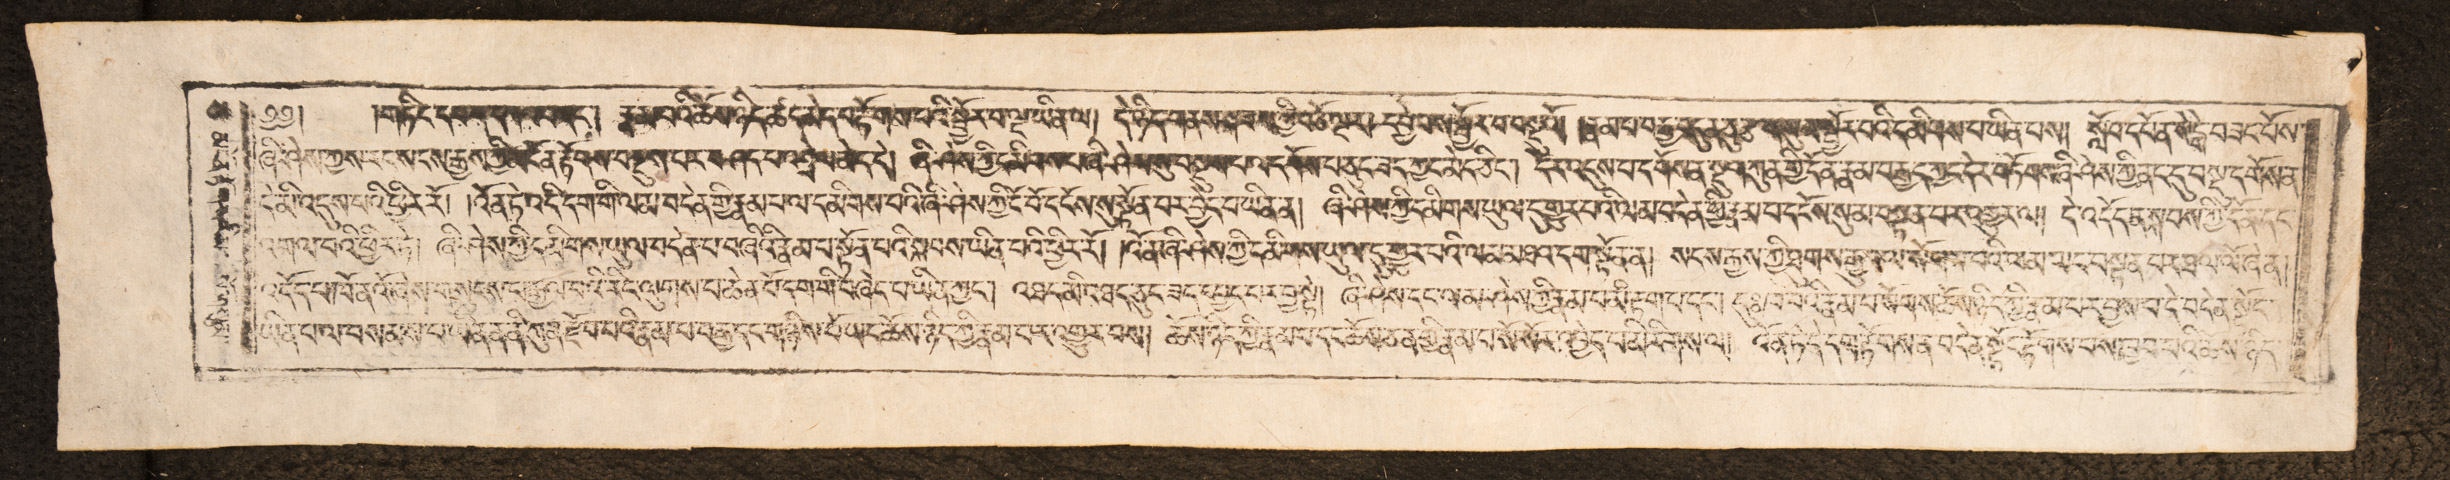༄༅། །གཏིང་དཔག་དཀའ་བ་དང་། རྣམ་པའི་ཆོས་ཉིད་ཚད་མེད་པ་རྟོགས་པའི་སྦྱོར་བ་ལྔ་ཡིན་ལ། དེ་ཉིད་གནས་སྐབས་ཀྱི་བཅོ་ལྔར། དབྱེ་བས་སྦྱོར་བ་བསྡུའོ། །རྣམ་པ་བརྒྱ་བདུན་ཅུ་རྩ་གསུམ་སྦྱོར་བའི་དམིགས་པ་ཡིན་པས། སློབ་དཔོན་སེངྒེ་བཟང་པོས་
ཞི་ཤེས་ཀྱིས་རང་སངས་རྒྱས་ཀྱི་མངོན་རྟོགས་བསྡུས་པར་བཤད་པ་འབྲེལ་མེད་དེ། ཞི་ཤེས་ཀྱི་དམིགས་པ་ཞི་ཤེས་སུ་བསྡུས་པ་ལ་དགོས་པ་ཅུང་ཟད་ཀྱང་མེད་ཅིང་། དེར་འདུས་པ་དགོས་ན་སྡུག་ཀུན་གྱི་དོན་རྣམ་བརྒྱད་ཀྱང་དེར་གཏོགས་ཞི་ཤེས་ཀྱི་ནང་དུ་བསྡུ་དགོས་ན་
དེ་མི་འདུས་པའི་ཕྱིར་རོ། །འོན་ཏེ་འདི་དག་གི་ལམ་བདེན་གྱི་རྣམ་པ་ལ་དམིགས་པའི་ཞི་ཤེས་ཀྱི་ངོ་བོ་དངོས་སུ་སྟོན་པར་བྱེད་པ་ཡིན་ན། ཞི་ཤེས་ཀྱི་དམིགས་ཡུལ་དུ་གྱུར་པའི་ལམ་བདེན་གྱི་རྣམ་པ་དངོས་སུ་མ་བསྟན་པར་འགྱུར་ལ། དེ་འདོད་ན་སྐབས་ཀྱི་དོན་དང་
འགལ་བའི་ཕྱིར་ཏེ། ཞི་ཤེས་ཀྱི་དམིགས་ཡུལ་བདེན་པ་བཞིའི་རྣམ་པ་སྟོན་པའི་སྐབས་ཡིན་པའི་ཕྱིར་རོ། །འོ་ན་ཞི་ཤེས་ཀྱི་དམིགས་ཡུལ་དུ་གྱུར་པའི་ལམ་མཐའ་དག་སྟོན་ན། སངས་རྒྱས་ཀྱི་ཐུགས་རྒྱུད་ལ་སོགས་པའི་ལམ་ཡང་བསྟན་པར་ཐལ་ལོ་ཞེ་ན།
འདོད་པ་ཁོ་ནའོ་ཞེས་གསུངས་པ་རྒྱལ་བའི་རིང་ལུགས་པ་ཆེན་པོ་དག་གི་བཞེད་པ་ཡིན་ཀྱང་། འཐད་མི་འཐད་ཅུང་ཟད་དཔྱད་པར་བྱ་སྟེ། ཞི་ཤེས་དང་ལམ་ཤེས་ཀྱི་རྣམ་པ་མི་རྟག་པ་དང་། དུཿ ཁ་བའི་རྣམ་པ་སོགས་ཆོས་ཉིད་ཀྱི་རྣམ་པར་བྱས་པ་དེ་བདེན་སྟོང་
ཡིན་པ་ལ་བསམས་པ་ཡིན་ན་ནི་ཀུན་རྫོབ་པའི་རྣམ་པ་བརྒྱ་དང་གཉིས་པོ་ཡང་ཆོས་ཉིད་ཀྱི་རྣམ་པར་འགྱུར་བས། ཆོས་ཉིད་ཀྱི་རྣམ་པ་དང་ཆོས་ཅན་གྱི་རྣམ་པ་སོ་སོར་འབྱེད་པ་མི་རིགས་ལ། འོན་ཏེ་དེ་དག་རྟོགས་ན་བདེན་སྟོང་རྟོགས་པས་ཁྱབ་པའི་ཆོས་ཉིད་